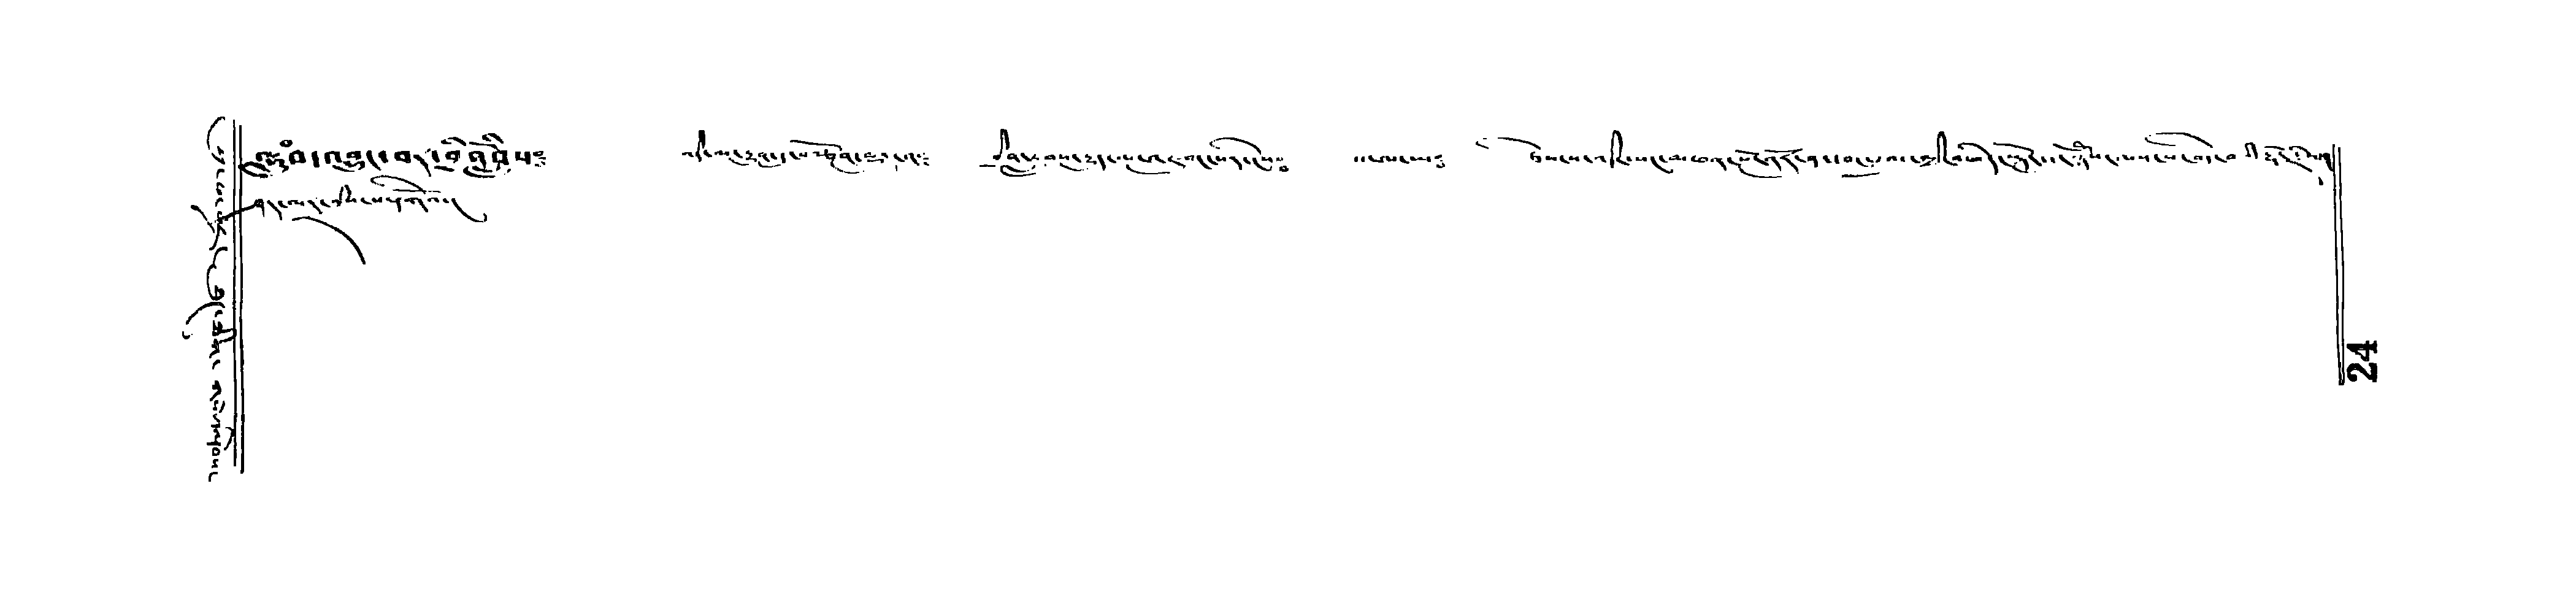ལྷུན་གྲུབ་འབྱུང་བར་བྱིན་གྱིས་རློབས༔ འདི་ལ་རྒྱུན་དུ་བརྩོན་གྱུར་ན༔ བྱིན་རླབས་རྒྱུད་ལ་འཇུག་པར་ངེས༔ ས་མ་ཡ༔ ཅེས་པ་འདི་ཡང་མཁན་པོ་ནོར་བུ་དབང་རྒྱལ་གྱི་བཞེད་སྐོང་དུ་སྙོམས་ལས་པ་བདེ་བའི་རྡོ་རྗེས་
ཤར་མར་བྲིས་པ་དགེའོ།།